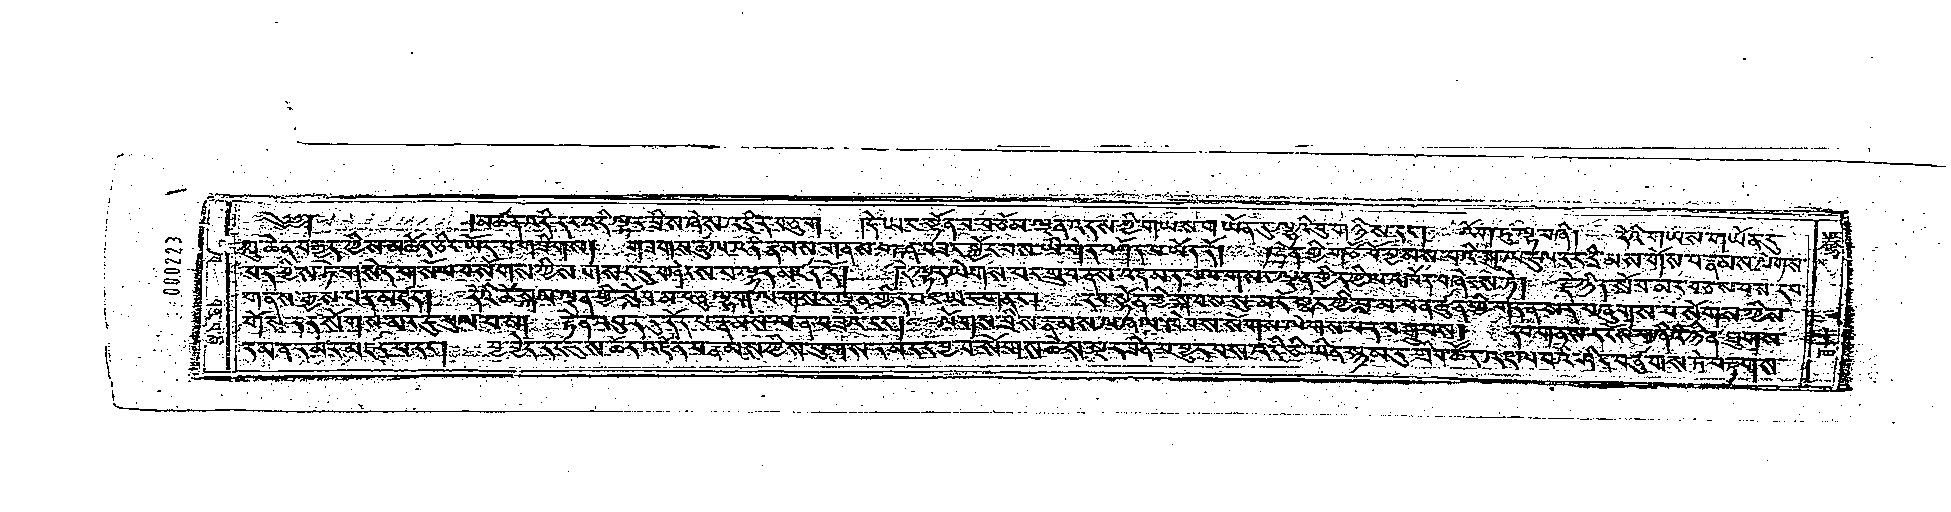༄༅། །མཚན་འདི་དང་འདི་ལྟར་བྲིས་ཞེས་འདྲིར་བཅུག །དེ་ཡང་སྟོན་པ་བཅོམ་ལྡན་འདས་ཀྱི་གཡས་གཡོན་དུ་ལྷའི་བུ་གཉིས་དང་། འོག་ཏུ་ལྷ་བཞི། དེའི་གཡས་གཡོན་དུ་
ཀླུ་ཆེན་བརྒྱད་ཀྱིས་མཆོད་ཅིང་ཡོད་པ་གཟིགས། གཟགས་ཚུལ་འདི་རྣམས་གནས་བརྟན་བཟང་སྐྱོང་བས་ཡི་གེར་བཀོད་པ་ཡོད་དོ། །རྟེན་གྱི་གཙོ་བོ་བྱམས་པའི་སྐུ་ལ་རྡུལ་དང་དྲི་མས་གོས་པ་རྣམས་ལེགས་
པར་བྱིས་ཏེ་གསེར་གསོལ་བ་སོགས་ཀྱིས་གསར་དུ་བཞེངས་པ་ལྟར་མཛད་དོ། །དེ་ལྟར་ལེགས་པར་གྲུབ་ནས་འཇམ་དཔལ་གསང་ལྡན་གྱི་དཀྱིལ་འཁོར་བཞེངས་ཏེ། རྗེ་ཉིད་སློབ་མར་བཅས་བས་རབ་
གནས་རྒྱས་པར་མཛད། དེའི་ཚེ་སྐལ་ལྡན་གྱི་སློབ་མ་བཅུ་ལྷག་ལ་གསང་ལྡན་གྱི་དབང་ཡང་གནང་། རབ་སྟོན་གྱི་སྐབས་སུ་མདོ་སྨད་ཀྱི་བླ་མ་ཕན་ཚུན་གྱི་གདན་སར་བཞུགས་པ་སོགས་ཀྱིས་
གོས་དད་སོགས་མང་དུ་ཕུལ་བས། རྟེན་འབུར་དུ་དོད་པ་རྣམས་ལ་ན་བཟའ་དང་། ལོགས་བྲིས་རྣམས་ལ་ཞལ་ཁེབས་སོགས་ལེགས་པར་བསྒྲུབས། རབ་གནས་དངོས་གཞིའི་ཉིན་ཐུགས་
དམ་ནར་མར་མཛད་པ་དང་། བྱ་བྱེད་དང་དུས་ཆོད་འཛིན་པ་རྣམས་ཀྱིས་ཕུགས་དམ་དང་བྱ་བ་སོགས་ཆེས་སྡར་བྲིན་པ་བྱུང་བས་འདི་ཅི་ཡིན་སྙམ་དུ་གྲིབ་ཚོད་འཇལ་བའི་ཤིང་བཙུགས་ཏེ་བརྟགས་